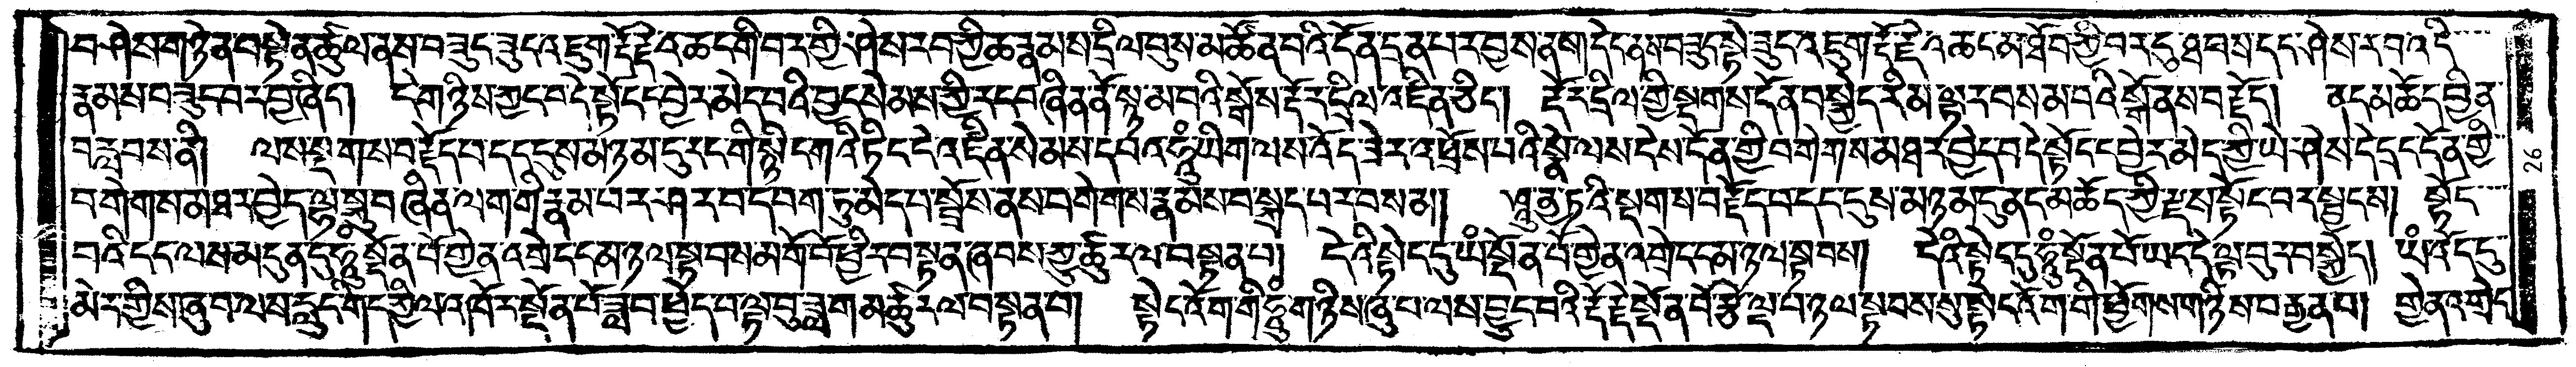བཤེས་གཉེན་བསྟེན་ཚུལ་ནས་བཟུང་ཟུང་འཇུག་རྡོ་རྗེ་འཆང་གི་བར་གྱི་ཤེས་རབ་ཀྱི་ཆ་རྣམས་དྲིལ་བུས་མཚོན་བའི་དོན་དྲན་པར་བྱས་ནས། དེང་ནས་བཟུང་སྟེ་ཟུང་འཇུག་རྡོ་རྗེ་འཆང་མ་ཐོབ་ཀྱི་བར་དུ་ཐབས་དང་ཤེས་རབ་འདི་
རྣམས་བཟུང་བར་བྱ་ཞིང་། དེ་གཉིས་ཀྱང་བདེ་སྟོང་དབྱེར་མེད་པའི་བྱང་སེམས་ཀྱི་རང་བཞིན་ནོ་སྙམ་བའི་སྒོས་རྡོར་དྲིལ་འཛིན་ཅིང་། རྡོར་དྲིལ་གྱི་སྔགས་དོན་བསྐྱེད་རིམ་ལྟར་བསམ་བའི་སྒོ་ནས་བརྗོད། ནང་མཆོད་བྱིན་
བརླབས་ནི། ལས་སྔགས་བརྗོད་པ་དང་དུས་མཉམ་དུ་རང་གི་སྙིང་གའི་ཏིང་ངེ་འཛིན་སེམས་དཔའ་ཧཱུཾ་ཡིག་ལས་འོད་ཟེར་འཕྲོས་པའི་སྣེ་ལས་ངེས་དོན་གྱི་བགེགས་མཐར་བྱེད་བདེ་སྟོང་དབྱེར་མེད་ཀྱི་ཡེ་ཤེས་དེ་དྲང་དོན་གྱི་
བགེགས་མཐར་བྱེད་ལྷ་སྐུ་བཞིན་ལག་གི་རྣམ་པར་ཤར་བ་དཔག་ཏུ་མེད་པ་སྤྲོས་ནས་བགེགས་རྣམས་བསྐྲད་པར་བསམ། ཤཱུ་ནྱ་ཏའི་སྔགས་བརྗོད་བ་དང་དུས་མཉམ་དུ་ནང་མཆོད་ཀྱི་རྫས་སྟོང་བར་སྦྱངས། སྟོང་
བའི་ངང་ལས་མདུན་དུ་ཧཱུཾ་སྔོན་པོ་གྱེན་འགྲེང་དམ་ཉལ་སྟབས་མགོ་བོ་ཕྱིར་བསྟན་ཞབས་ཀྱུ་ཚུར་ལ་བསྟན་པ། དེའི་སྟེང་དུ་ཡཾ་སྔོན་བོ་གྱེན་འགྲེང་དམ་ཉལ་སྟབས། དེའི་སྟེང་དུ་ཧཱུཾ་སྔོན་པོ་ཡང་དེ་ལྟ་བུར་བསྐྱེད། ཡཾ་འོད་དུ་
མེར་གྱིས་ཞུ་བ་ལས་རླུང་གི་དཀྱིལ་འཁོར་སྔོན་པོ་ཟླ་བ་ཕྱེད་པ་ལྟ་བུ་ཟླ་གམ་ཚུར་ལ་བསྟན་པ། སྟེང་འོག་གི་ཧཱུཾ་གཉིས་ཞུ་བ་ལས་བྱུང་བའི་རྡོ་རྗེ་སྔོན་པོ་རྩེ་ལྔ་པ་ཉལ་སྟབས་སུ་སྟེང་འོག་གི་ཕྱོགས་གཉིས་བརྒྱན་པ། གྱེན་འགྲེང་